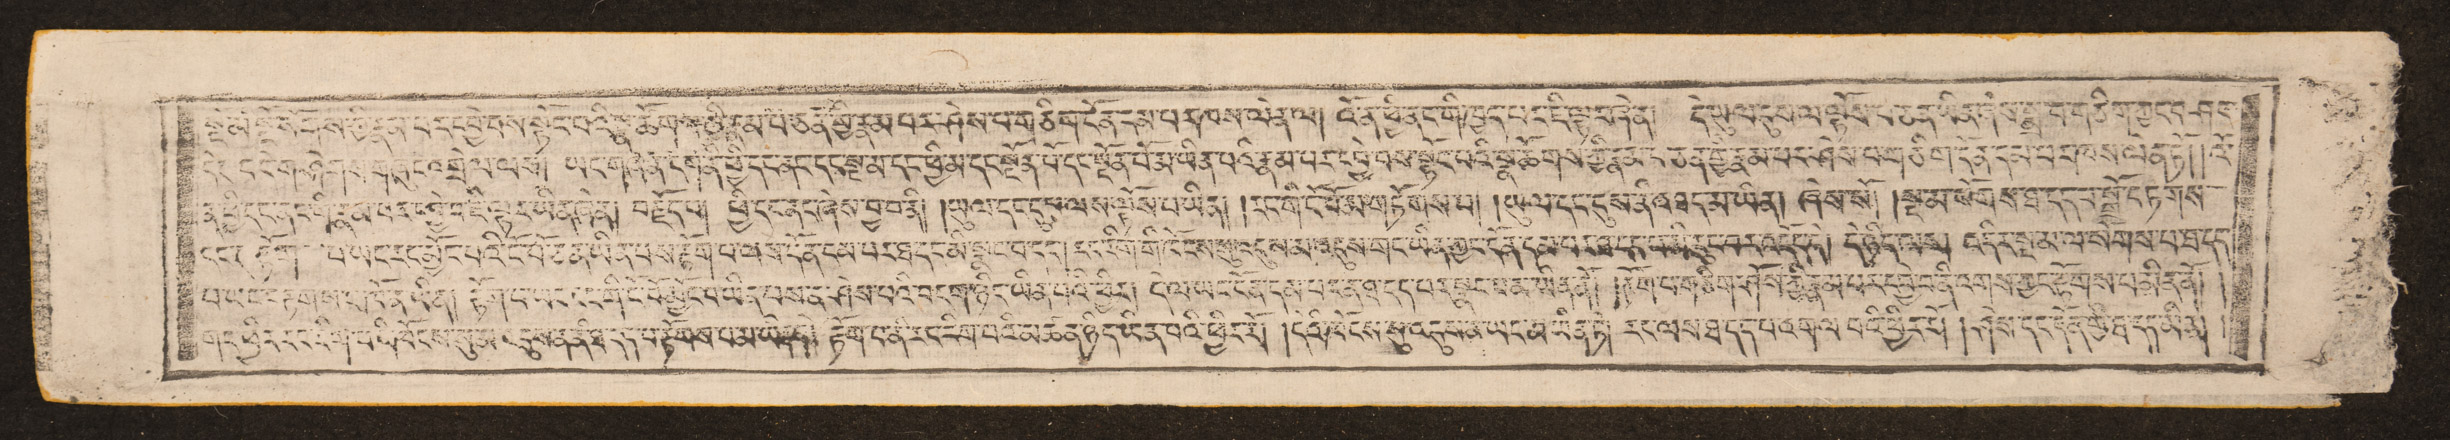སྔོ་མི་སྔོ་སོགས་ཀྱི་རྣམ་པར་དབྱེ་བས་སྟོང་བའི་སྣ་ཚོགས་ཀྱི་རྣམ་པ་ཅན་གྱི་རྣམ་པར་ཤེས་པ་གཅིག་དོན་དམ་པར་ཁས་ལེན་ལ། འོ་ན་ཕྱི་ནང་གི་ཁྱད་པར་ཇི་ལྟར་ཞེ་ན། དེ་ཡུལ་དུས་ལ་ལྟོས་པ་ཅན་ཡིན་ཞེས་སྨྲ་བ་གཅིག་ཀྱང་བཤད་
དེ༑ བདེ་གཤེགས་གཞུང་འགྲེལ་ལས། ཡང་གཞན་དག་ནི་ཕྱི་དང་ནང་དང་སྔ་མ་དང་ཕྱི་མ་དང་སྔོན་པོ་དང་སྔོན་པོ་མ་ཡིན་པའི་རྣམ་པར་དབྱེ་བས་སྟོང་པའི་སྣ་ཚོགས་ཀྱི་རྣམ་པ་ཅན་གྱི་རྣམ་པར་ཤེས་པ་གཅིག་དོན་དམ་པར་ཁས་ལེན་ཏོ། །འོ་
ན་ཕྱི་དང་ནང་གི་རྣམ་པར་དབྱེ་བ་ཇི་ལྟར་ཡིན་ཞེ་ན། བརྗོད་པ། ཕྱི་དང་ནང་ཞེས་བྱ་བ་ནི། །ཡུལ་དང་དུས་ལས་ལྟོས་པ་ཡིན། །རང་གི་ངོ་པོ་མ་གཏོགས་པ། །ཡུལ་དང་དུས་ནི་འཐད་མ་ཡིན། ཞེས་སོ། །སྔ་མ་སོགས་ཐ་དད་པ་སྒྲོ་བཏགས་
དང༑ རྟོག་པ་ཡང་རང་མྱོང་པའི་ངོ་བོ་ཅན་ཡིན་པས་རྟོག་པ་ལས་དོན་དམ་པར་ཐ་དད་མི་སྣང་བ་དང་། རང་རིག་གི་ཁོངས་སུ་འདུས་མ་འདུས་གང་ཡིན་ཀྱང་དོན་དམ་པར་ཐ་དད་པ་མི་རུང་བར་འདོད་དེ། དེ་ཉིད་ལས། འདིར་སྔ་མ་ལ་སོགས་པ་ཐ་དད་
བ་ཡང་བརྟགས་བ་ཁོ་ན་ཡིན། རྟོག་པ་ཡང་རང་གི་ངོ་བོ་མྱོང་བ་ཡིན་པས་ན་ཤེས་པའི་བདག་ཉིད་ཡིན་པའི་ཕྱིར། དེ་ལ་ཡང་དོན་དམ་པར་ན་ཐ་དད་པར་སྣང་བ་མ་ཡིན་ནོ། །རྟོག་པ་གཅིག་ཤོས་ཀྱི་རྣམ་པར་དབྱེ་བ་ནི་འགས་ཀྱང་རྟོགས་པ་མིན་ནོ། །
གང་ཕྱིར་རང་རིག་པའི་ཁོངས་སུ་མ་འདུས་ན་ནི་ཐ་དད་པ་རྟོགས་པ་མ་ཡིན་ཏེ། རྟོག་པ་ནི་རང་རིག་པའི་མཚན་ཉིད་ཡིན་པའི་ཕྱིར་རོ། །དེའི་ཁོངས་སུ་འདུས་ན་ཡང་མ་ཡིན་ཏེ། རང་ལས་ཐ་དད་པ་འགལ་བའི་ཕྱིར་རོ། །ཤེས་དང་དོན་གྱི་ཐ་དད་མིན།